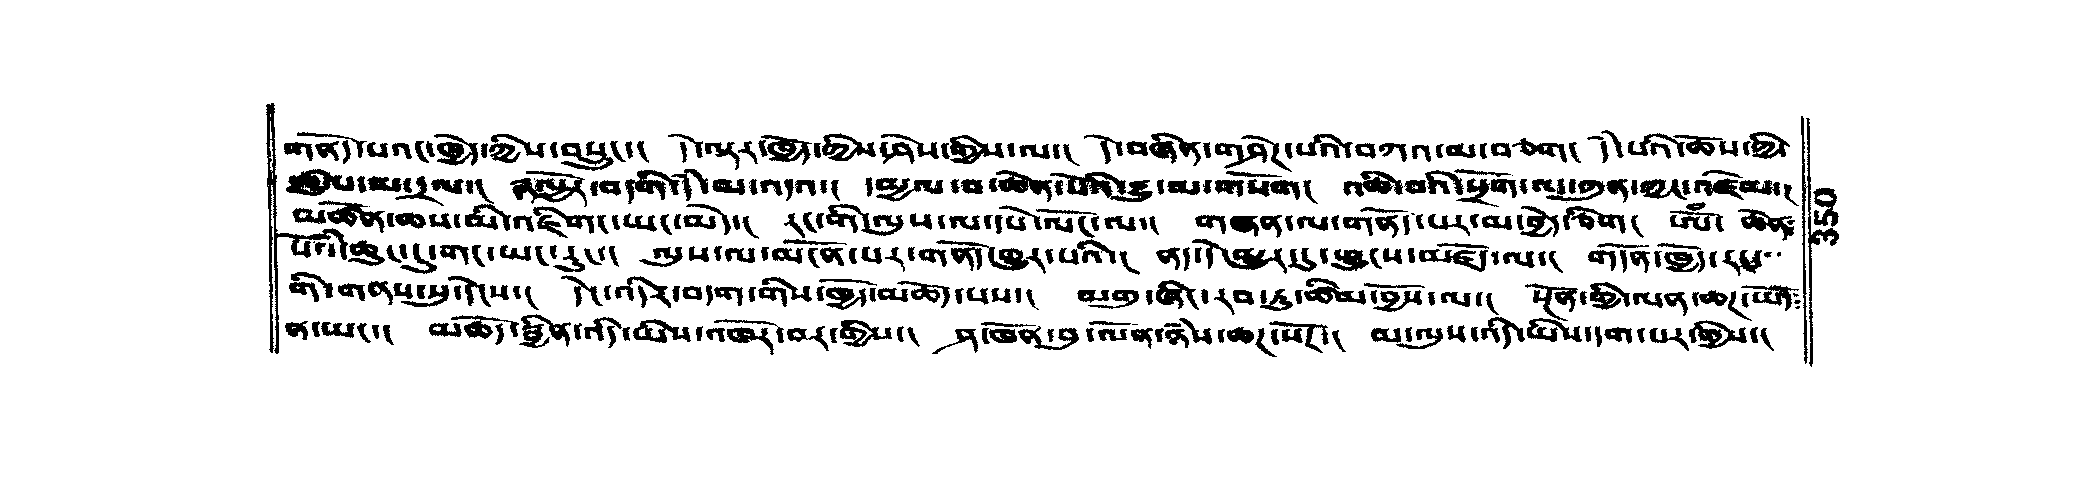གནོད་པའང་ཁྱེད་ཀྱི་བསླུང་། །དེ་ལྟར་ཁྱོད་ཀྱིས་ཤེས་གྱིས་ལ། །དེ་བཞིན་གཤེགས་པའི་བཀའ་མ་བཅག །དམ་པའི་ཆོས་ཀྱི་
ཚུལ་མ་དྲལ། །རྣལ་འབྱོར་བདག་གི་དམ་མ་འདའ། །དམྱལ་བ་ཆེན་པོའི་རྒྱུ་མ་གསོག །འཆི་བའི་སྲོག་ལ་ཀུན་ཀྱང་འཇོམ། །
མཚོན་ཆས་མི་འཇིགས་གང་ཡང་མེད། །རང་གི་ལུས་ལ་དཔེ་ལོང་ལ། །གཞན་ལ་གནོད་པར་མ་བྱེད་ཅིག ཨོཾ། ཆེན་
པོའམ་ཆུང་དུ་གང་ཡང་རུང་། །ལུས་ལ་མངོན་པར་གནོད་གྱུར་པའི། །ནད་དེ་མྱུར་དུ་ཕྱུངས་མཛོད་ལ། །གནོད་ཁྱོད་རང་
གི་གནས་སུ་དེངས། །དེང་འདིར་བདག་གིས་ཁྱོད་མཆོད་པས། །མགུ་ཞིང་རབ་ཏུ་ཚིམ་བྱོས་ལ། །སྔོན་གྱི་ལན་ཆགས་ཡོད་
ན་ཡང་། །མཆོད་སྦྱིན་འདི་ཡིས་འཁོར་བར་གྱིས། །ཤ་ཁོན་བུ་ལོན་ཉམས་ཆགས་སོགས། །མ་ལུས་འདི་ཡིས་དག་པར་གྱིས།